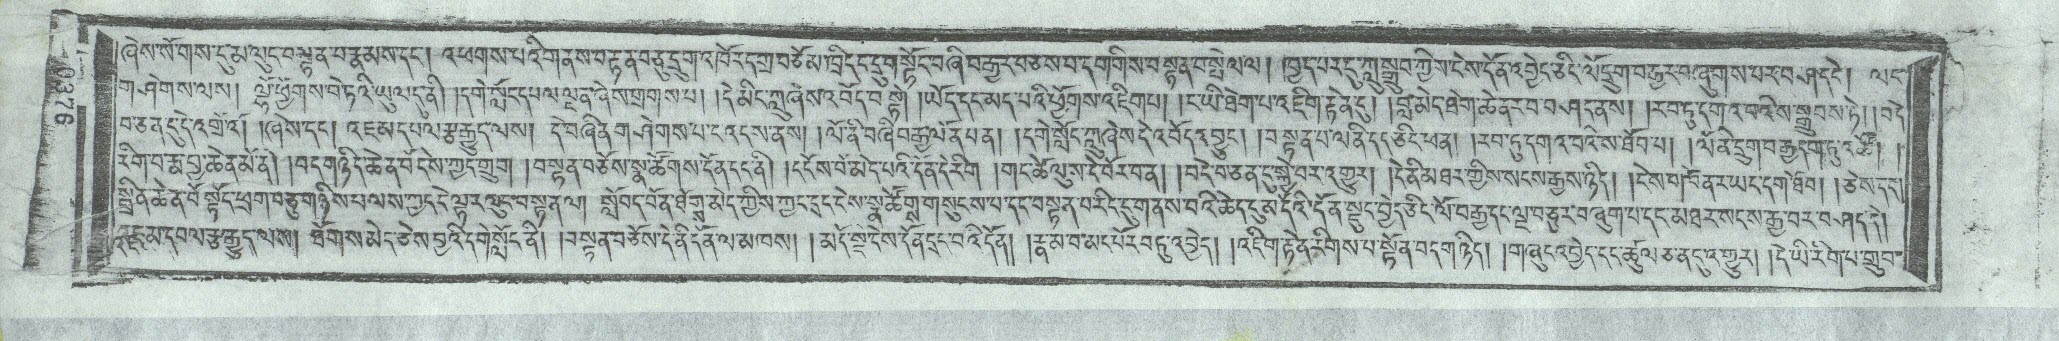ཞེས་སོགས་དུ་མ་ལུང་བསྟན་པ་རྣམས་དང་། འཕགས་པའི་གནས་བརྟན་བཅུ་དྲུག་འཁོར་དགྲ་བཅོམ་ཁྲི་དང་དྲུག་སྟོང་བཞི་བརྒྱར་བཅས་པ་དག་གིས་བསྟན་བ་སྤེལ་ལ། ཁྱད་པར་དུ་ཀླུ་སྒྲུབ་ཀྱིས་ངེས་དོན་འབྱེད་ཅིང་ལོ་དྲུག་བརྒྱར་བཞུགས་པར་བཤད་དེ། ལང་
གཤེགས་ལས། ལྷོ་ཕྱོགས་བེ་ཏའི་ཡུལ་དུ་ནི། །དགེ་སློང་དཔལ་ལྡན་ཞེས་གྲགས་པ། །དེ་མིང་ཀླུ་ཞེས་འབོད་བ་སྟེ། །ཡོད་དང་མད་པའི་ཕྱོགས་འཇིག་པ། །ང་ཡི་ཐེག་པ་འཇིག་རྟེན་དུ། །བླ་མེད་ཐེག་ཆེན་རབ་བཤད་ནས། །རབ་ཏུ་དགའ་བའི་ས་སྒྲུབས་ཏེ། །བདེ་
བ་ཅན་དུ་དེ་འགྲོའོ། །ཞེས་དང་། འཇམ་དཔལ་རྩ་རྒྱུད་ལས། དེ་བཞིན་གཤེགས་པ་ང་འདས་ནས། །ལོ་ནི་བཞི་བརྒྱ་ལོན་པ་ན། །དགེ་སློང་ཀླུ་ཞེས་དེ་འབོད་འབྱུང་། །བསྟན་པ་ལ་ནི་དད་ཅིང་ཕན། །རབ་ཏུ་དགའ་བའི་ས་ཐོབ་པ། །ལོ་ནི་དྲུག་བརྒྱ་དག་ཏུ་འཚོ། །
རིག་བ་རྨ་བྱ་ཆེན་མོ་ནི། །བདག་ཉིད་ཆེན་བོ་ངེས་ཀྱང་གྲུབ། །བསྟན་བཅོས་སྣ་ཚོགས་དོན་དང་ནི། །དངོས་བོ་མེད་པའི་དོན་དེ་རིག །གང་ཚེ་ལུས་ངེ་བོར་བ་ན། །བདེ་བ་ཅན་དུ་སྐྱེ་བར་འགྱུར། །དེ་ནི་མཐར་གྱིས་སངས་རྒྱས་ཉིད། །ངེས་བ་ཁོ་ནར་ཡང་དག་ཐོབ། །ཅེས་དང་།
སྦྲིན་ཆེན་བོ་སྟོང་ཕྲག་བཅུ་གཉིས་པ་ལས་ཀྱང་དེ་ལྟར་ལུང་བསྟན་ལ། སློབ་དཔོན་ཐོགས་མེད་ཀྱིས་ཀྱང་དྲང་ངེས་སྣ་ཚོགས་གསུངས་པ་དང་བསྟན་པ་རིང་དུ་གནས་བའི་ཆེད་དུ་མདོའི་དོན་སྡུད་བྱེད་ཅིང་ལོ་བརྒྱ་དང་ལྔ་བཅུར་བཞུག་པ་དང་མཐར་སངས་རྒྱ་བར་བཤད་དེ།
འཇམ་དཔལ་རྩ་རྒྱུད་ལས། ཐོགས་མེད་ཅེས་བྱའི་དགེ་སློང་ནི། །བསྟན་བཅོས་དེ་ནི་དོན་ལ་མཁས། །མདོ་སྔ་དེས་དོན་དྲང་བའི་དོན། །རྣམ་བ་མང་པོ་རབ་ཏུ་འབྱེད། །འཇིག་རྟེན་རིགས་པ་སྟོན་བདག་ཉིད། །གཞུང་འབྱེད་དང་ཚུལ་ཅན་དུ་འགྱུར། །དེ་ཡི་རིག་པ་གྲུབ་